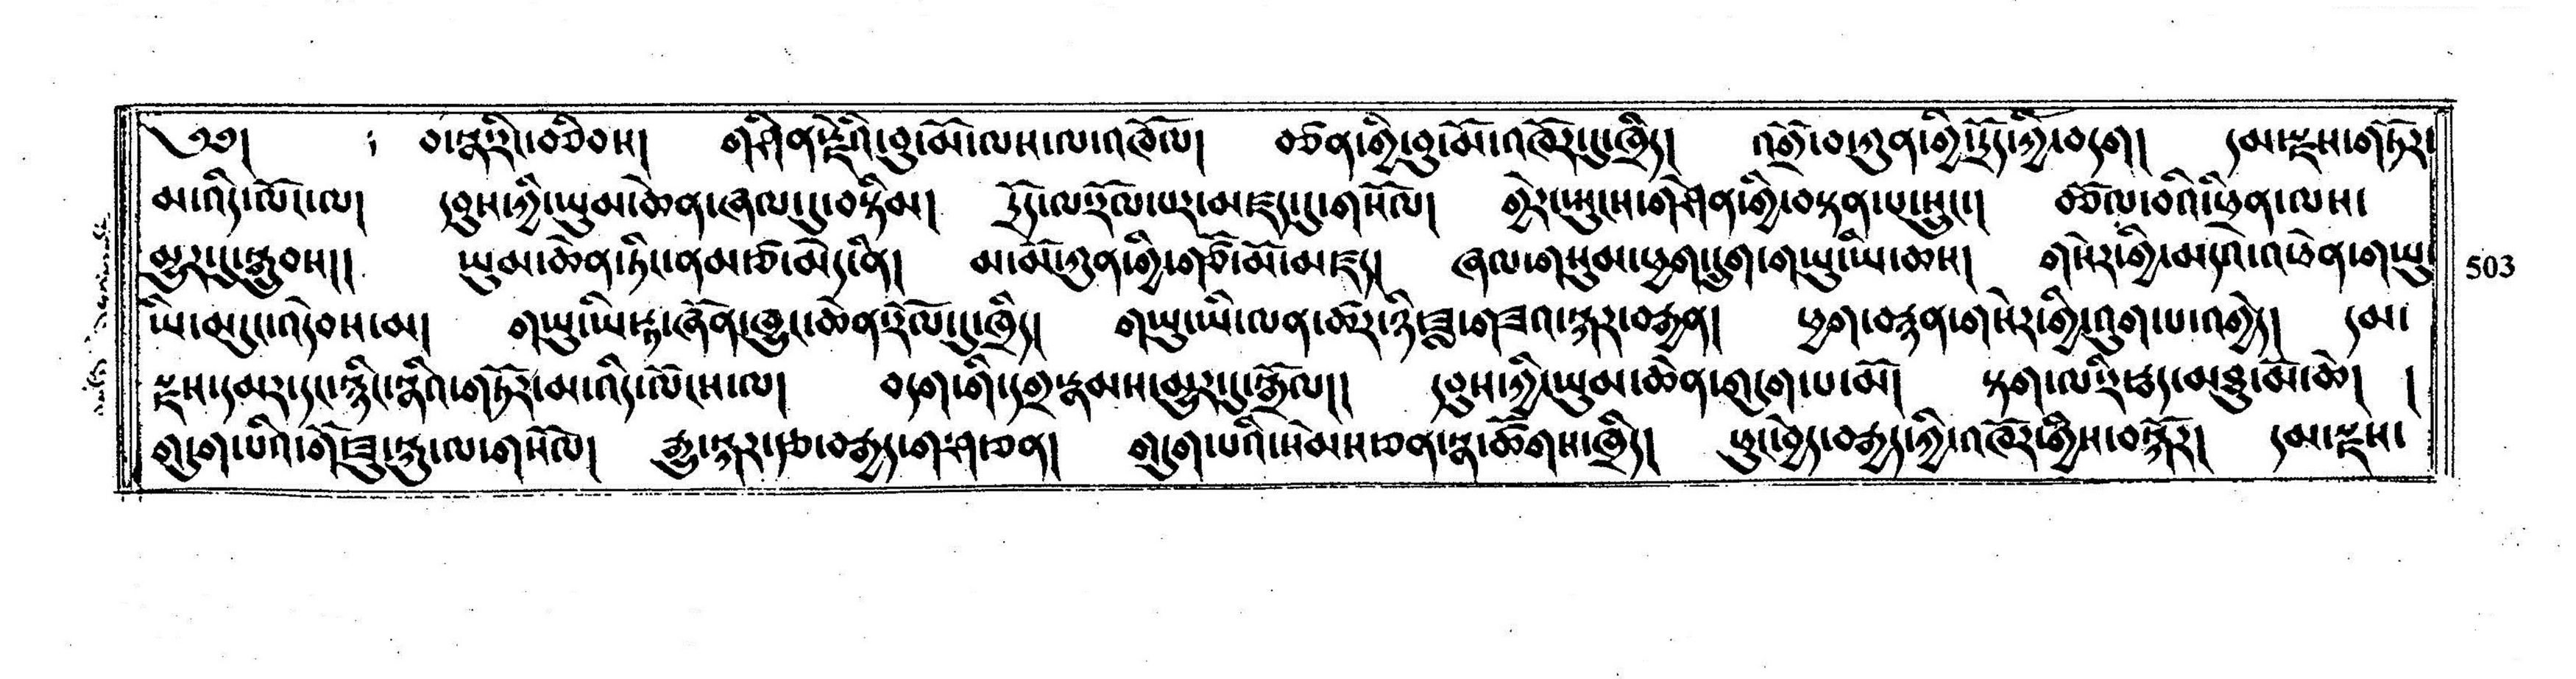བ་སྣ་རིང་བཅིབས། གཤིན་རྗེའི་བུ་མོ་ལས་ལ་འཁོལ། བཙན་གྱི་བུ་མོ་འཁོར་དུ་ཁྲིད། འགྲོ་བ་ཀུན་གྱི་དྲོད་ཀྱི་བདག དམ་རྫས་གཏོར་
མ་འདི་ལོངས་ལ། དབུས་ཀྱི་ཡུམ་ཆེན་ཞལ་དུ་བསྟིམ། དྲོད་ལ་རོལ་{517}པར་མཛད་དུ་གསོལ། གྱེར་སྤུངས་གཤེན་གྱི་བསྟན་པ་སྲུང་། བཅོལ་བའི་ཕྲིན་ལས་
མྱུར་དུ་སྒྲུབས།། ཡུམ་ཆེན་ཏིང་ནམ་ཙ་མེད་ནི། མ་མོ་ཀུན་གྱི་གཙོ་མོ་མཛད། ཞལ་གསུམ་ཕྱག་དྲུག་གཡུ་ཡི་ཆས། གསེར་གྱི་མདའ་འཕེན་གཡུ་
ཡི་མདུང་འདེབས་མ། གཡུ་ཡི་རྟ་ཞོན་ཁྱུང་ཆེན་རོལ་དུ་ཁྲིད། གཡུ་ཡི་ལན་ཚར་ཉི་ཟླ་གཟའ་སྐར་བརྒྱན། ཕྱག་བརྙན་གསེར་གྱི་འུག་པ་འགྱེད། དམ་
རྫས་དམར་དང་སྙིང་སྣའི་གཏོར་མ་འདི་ལོངས་ལ། བདག་གི་དགྲ་རྣམས་མྱུར་དུ་སྒྲོལ།། དབུས་ཀྱི་ཡུམ་ཆེན་གདུག་པ་མོ། སྟག་ལ་རི་རྦད་མཐུ་མོ་ཆེ། 
གདུག་པའི་གོ་ཟུ་སྐུ་ལ་གསོལ། རྒྱུ་སྐར་རྩ་བརྒྱད་ག་ཤ་ཅན། གདུག་པའི་སེམས་ཅན་སྣ་ཚོགས་ཁྲིད། ཕུང་བྱེད་བརྒྱད་ཀྱི་འཁོར་གྱིས་བསྐོར། དམ་རྫས་